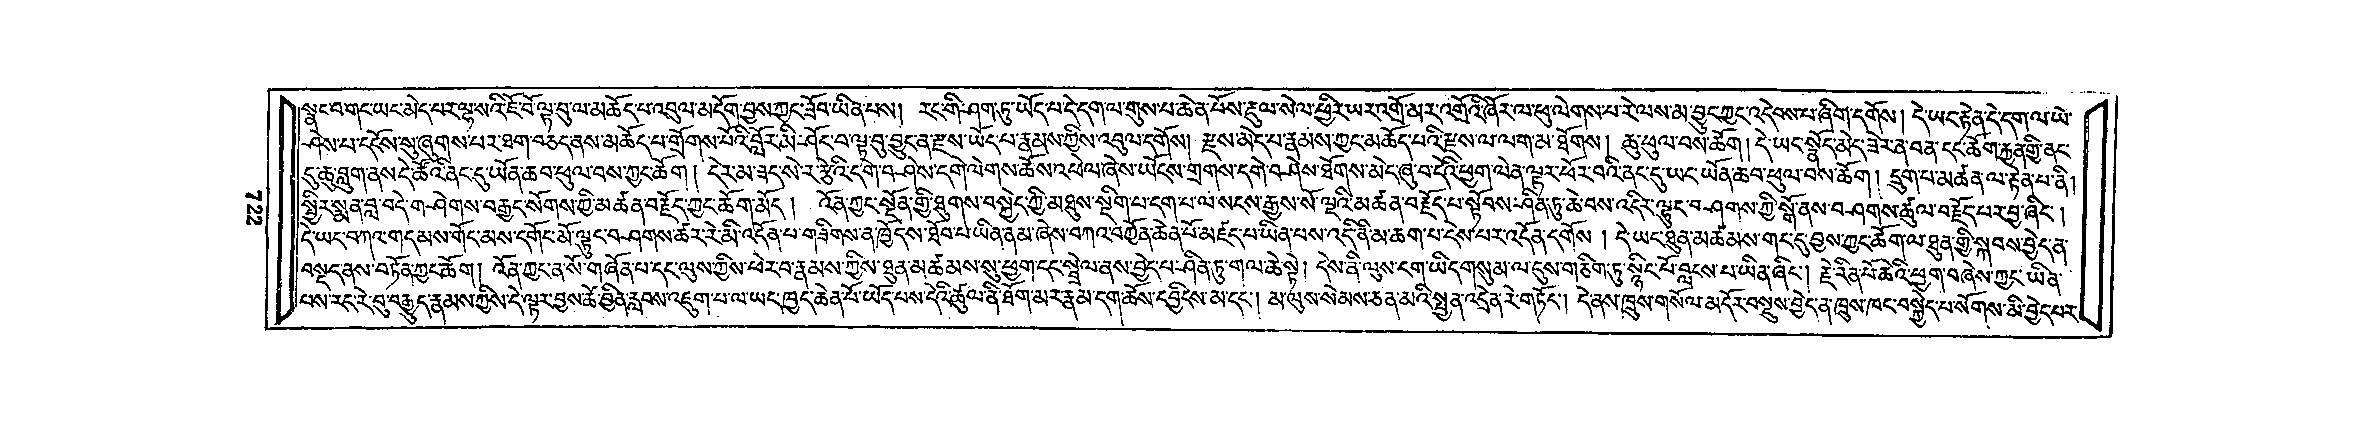སྣང་བ་གང་ཡང་མེད་པར་ལྷ་སའི་ཇོ་བོ་ལྟ་བུ་ལ་མཆོད་པ་འབུལ་མདོག་བྱས་ཀྱང་ཟོབ་ཡིན་པས། རང་གི་ཤག་ཏུ་ཡོད་པ་དེ་དག་ལ་གུས་པ་ཆེན་པོས་རྡུལ་སེལ་ཕྱིར་ཡར་འགྲོ་མར་འགྲོའི་ཞོར་ལ་ཕུ་ལེགས་པ་རེ་ལས་མ་བྱུང་ཀྱང་འདེབས་པ་ཞིག་དགོས། དེ་ཡང་རྟེན་དེ་དག་ལ་ཡེ་
ཤེས་པ་དངོས་སུ་ཞུགས་པར་ཐག་བཅད་ནས་མཆོད་པ་གྲོགས་པོའི་བློར་མི་ཤོང་བ་ལྟ་བུ་བྱུང་ན་རྫས་ཡོད་པ་རྣམས་ཀྱིས་འབུལ་དགོས། རྫས་མེད་པ་རྣམས་ཀྱང་མཆོད་པའི་རྫས་ལ་ལག་མ་ཐོགས། ཆུ་ཕུལ་བས་ཆོག །དེ་ཡང་སྣོད་མེད་ཟེར་ན་བན་དང་ཆོག་རྐྱན་གྱི་ནང་
དུ་ཆུ་བླུག་ནས་དེ་ཚོའི་ནང་དུ་ཡོན་ཆབ་ཕུལ་བས་ཀྱང་ཆོག །དེར་མ་ཟད་སེ་ར་རྩེའི་དགེ་བཤེས་དགེ་ལེགས་ཆོས་འཕེལ་ཞེས་ཡོངས་གྲགས་དགེ་བཤེས་ཐོགས་མེད་ཞུ་བ་དེའི་ཕྱག་ལེན་ལྟར་ཕོར་བའི་ནང་དུ་ཡང་ཡོན་ཆབ་ཕུལ་བས་ཆོག །དྲུག་པ་མཚན་ལ་རྟེན་པ་ནི།
སྤྱིར་སྨན་བླ་བདེ་གཤེགས་བརྒྱད་སོགས་ཀྱི་མཚན་བརྗོད་ཀྱང་ཆོག་མོད། འོན་ཀྱང་སྔོན་གྱི་ཐུགས་བསྐྱེད་ཀྱི་མཐུས་སྡིག་པ་དག་པ་ལ་སངས་རྒྱས་སོ་ལྔའི་མཚན་བརྗོད་པ་སྟོབས་ཤིན་ཏུ་ཆེ་བས་འདིར་ལྟུང་བཤགས་ཀྱི་སྒོ་ནས་བཤགས་ཚུལ་བརྗོད་པར་བྱ་ཞིང་།
དེ་ཡང་བཀའ་གདམས་གོང་མས་དགོང་མོ་ལྟུང་བཤགས་ཚར་རེ་མི་འདོན་པ་གཟིགས་ན་ཁྱོད་ས་ཐོབ་པ་ཡིན་ནམ་ཞེས་བཀའ་བཀྱོན་ཆེན་པོ་མཛད་པ་ཡིན་པས་འདི་ནི་མ་ཆག་པ་དེས་པར་འདོན་དགོས། དེ་ཡང་ཐུན་མཚམས་གང་དུ་བྱས་ཀྱང་ཆོག་ལ་ཐུན་གྱི་སྐབས་བྱེད་ན་
བསྡད་ནས་བཏོན་ཀྱང་ཆོག །འོན་ཀྱང་ན་སོ་གཞོན་པ་དང་ལུས་ཀྱིས་ཕེར་བ་རྣམས་ཀྱིས་ཐུན་མཚམས་སུ་ཕྱག་དང་སྦྲེལ་ནས་བྱེད་པ་ཤིན་ཏུ་གལ་ཆེ་སྟེ། དེས་ནི་ལུས་ངག་ཡིད་གསུམ་ལ་དུས་གཅིག་ཏུ་སྙིང་པོ་བླངས་པ་ཡིན་ཞིང་། རྗེ་རིན་པོ་ཆེའི་ཕྱག་བཞེས་ཀྱང་ཡིན་
པས་རང་རེ་བུ་བརྒྱུད་རྣམས་ཀྱིས་དེ་ལྟར་བྱས་ཚེ་བྱིན་རླབས་འཇུག་པ་ལ་ཡང་ཁྱད་ཆེན་པོ་ཡོད་པས་དེའི་ཚུལ་ནི་ཐོག་མར་རྣམ་དག་ཆོས་དབྱིངས་མ་དང་། མ་ལུས་སེམས་ཅན་མའི་སྤྱན་འདྲེན་རེ་གཏོང་། དེ་ནས་ཁྲུས་གསོལ་མདོར་བསྡུས་བྱེད་ན་ཁྲུས་ཁང་བསྐྱེད་པ་སོགས་མི་བྱེད་པར་